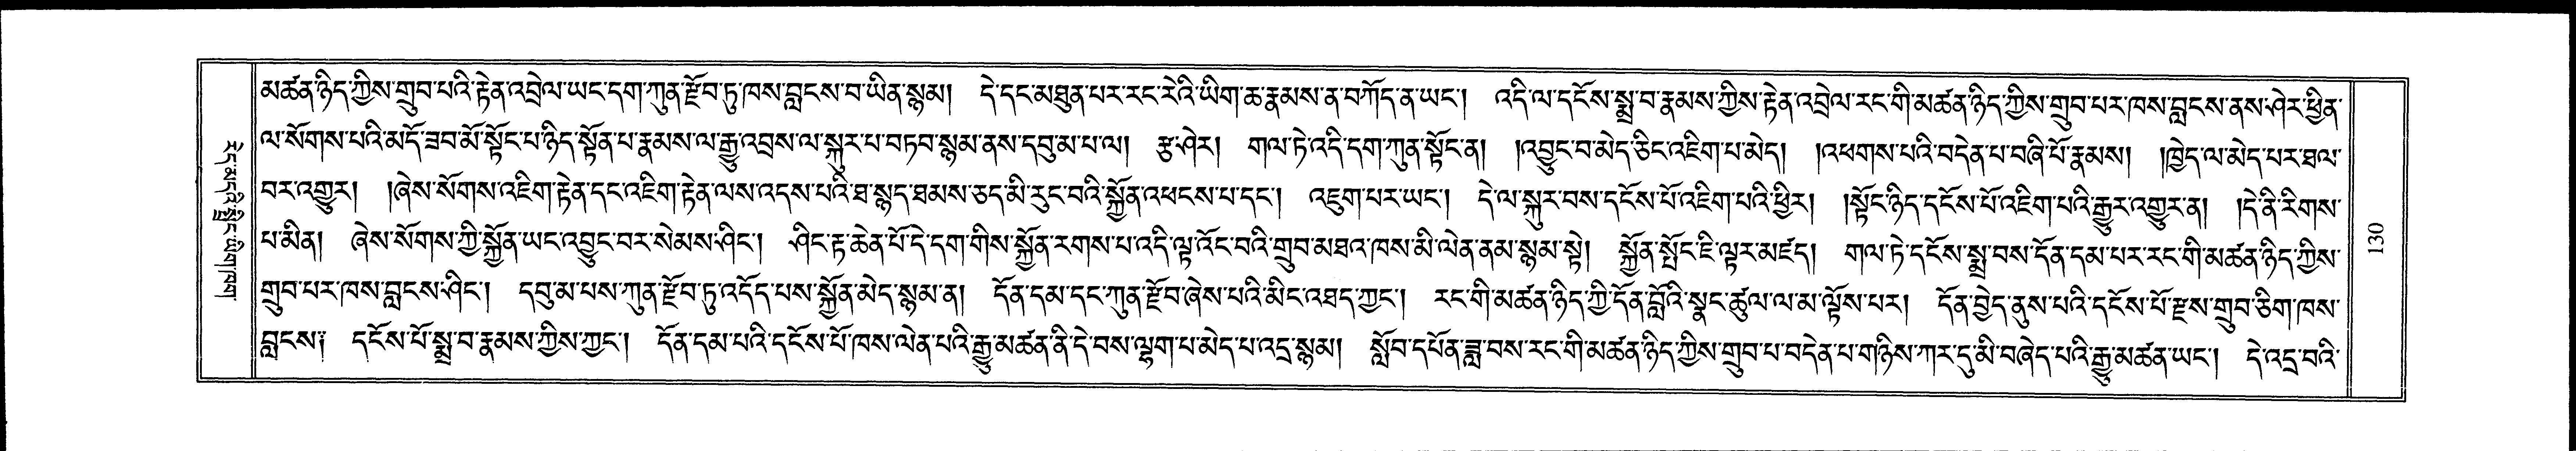མཚན་ཉིད་ཀྱིས་གྲུབ་པའི་རྟེན་འབྲེལ་ཡང་དག་ཀུན་རྫོབ་ཏུ་ཁས་བླངས་བ་ཡིན་སྙམ། དེ་དང་མཐུན་པར་རང་རེའི་ཡིག་ཆ་རྣམས་ན་བཀོད་ན་ཡང་། འདི་ལ་དངོས་སྨྲ་བ་རྣམས་ཀྱིས་རྟེན་འབྲེལ་རང་གི་མཚན་ཉིད་ཀྱིས་གྲུབ་པར་ཁས་བླངས་ནས་ཤེར་ཕྱིན་
ལ་སོགས་པའི་མདོ་ཟབ་མོ་སྟོང་པ་ཉིད་སྟོན་པ་རྣམས་ལ་རྒྱུ་འབྲས་ལ་སྐུར་པ་བཏབ་སྙམ་ནས་དབུ་མ་པ་ལ། རྩ་ཤེར། གལ་ཏེ་འདི་དག་ཀུན་སྟོང་ན། །འབྱུང་བ་མེད་ཅིང་འཇིག་པ་མེད། །འཕགས་པའི་བདེན་པ་བཞི་པོ་རྣམས། །ཁྱེད་ལ་མེད་པར་ཐལ་
བར་འགྱུར། །ཞེས་སོགས་འཇིག་རྟེན་དང་འཇིག་རྟན་ལས་འདས་པའི་ཐ་སྙད་ཐམས་ཅད་མི་རུང་བའི་སྐྱོན་འཕགས་པ་དང་། འཇུག་པར་ཡང་། དེ་ལ་སྐུར་བས་དངོས་པོ་འཇིག་པའི་ཕྱིར། །སྟོང་ཉིད་དངོས་པོ་འཇིག་པའི་རྒྱུར་འགྱུར་ན། །དེ་ནི་རིགས་
པ་མིན། ཞེས་སོགས་ཀྱི་སྐྱོན་ཡང་འབྱུང་བར་སེམས་ཤིང་། ཤིང་རྟ་ཆེན་པོ་དེ་དག་གིས་སྐྱོན་རགས་པ་འདི་ལྟ་འོང་བའི་གྲུབ་མཐའ་མཁས་མིན་ལེན་ནམ་སྙམ་སྟེ། སྐྱོན་སྤོང་ཇི་ལྟར་མཛད། གལ་ཏེ་དངོས་སྨྲ་བས་དོན་དམ་པར་རང་གི་མཚན་ཉིད་ཀྱིས་
གྲུབ་པར་ཁས་བླངས་ཤིང་། དབུ་མ་པས་ཀུན་རྫོབ་ཏུ་འདོད་པས་སྐྱོན་མེད་སྙམ་ན། དོན་དམ་དང་ཀུན་རྫོབ་ཞེས་པའི་མིང་འཐད་ཀྱང་། རང་གི་མཚན་ཉིད་ཀྱི་དོན་བློའི་སྣང་ཚུལ་ལ་མ་ལྟོས་པས། །དོན་བྱེད་ནུས་པའི་དངོས་པོ་རྫས་གྲུབ་ཅིག་ཁས་
བླངས། དངོས་པོ་སྨྲ་བ་རྣམས་ཀྱིས་ཀྱང་། དོན་དམ་པའི་དངོས་པོ་ཁས་ལེན་པའི་རྒྱུ་མཚན་ནི་དེ་བས་ལྷག་པ་མེད་པ་འདྲ་སྙམ། སློབ་དཔོན་ཟླ་བས་རང་གི་མཚན་ཉིད་ཀྱིས་གྲུབ་པ་བདེན་པ་གཉིས་ཀར་དུ་མི་བཞེད་པའི་རྒྱུ་མཚན་ཡང་། དེ་འདྲ་བའི་